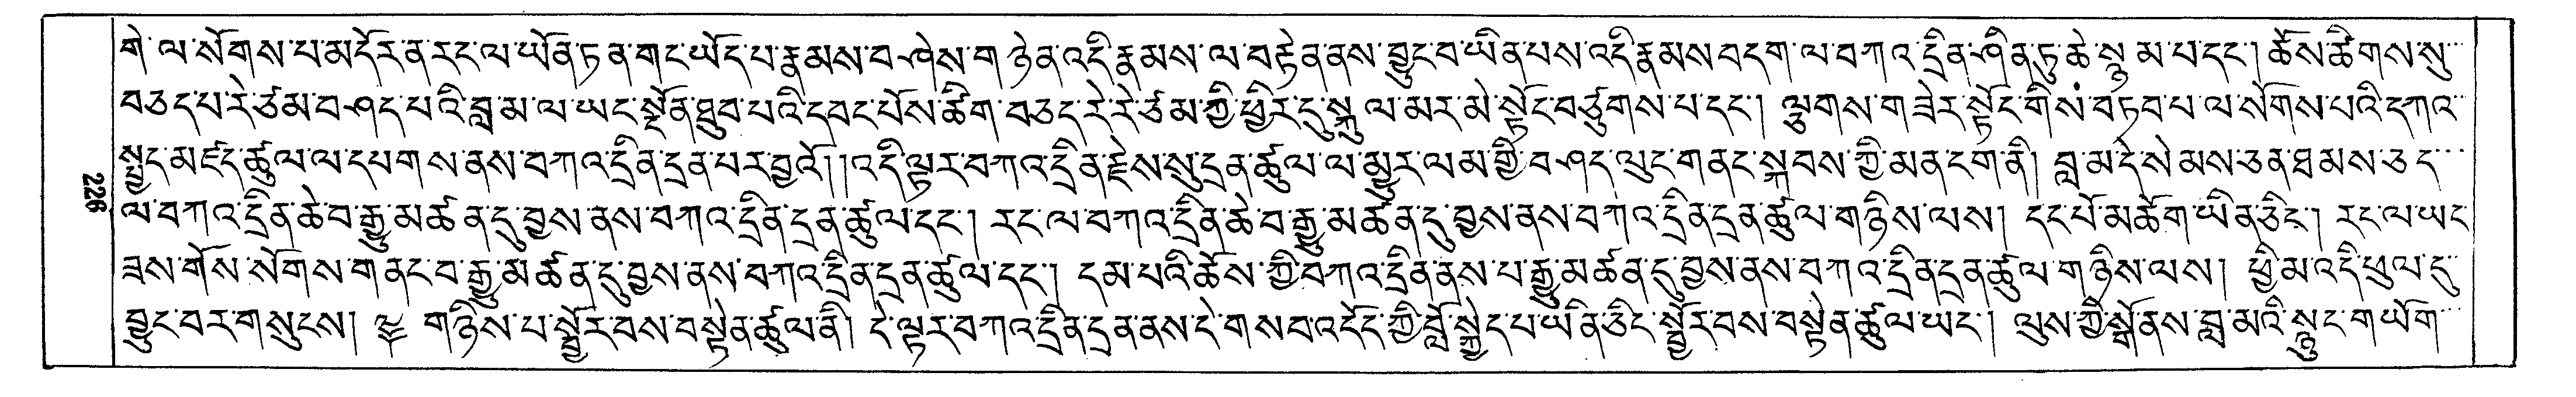གེ་ལ་སོགས་པ་མདོར་ན་རང་ལ་ཡོན་ཏན་གང་ཡོད་པ་རྣམས་བཤེས་གཉེན་འདི་རྣམས་ལ་བརྟེན་ནས་བྱུང་པ་ཡིན་པས་འདི་རྣམས་བདག་ལ་བཀའ་དྲིན་ཤིན་ཏུ་ཆེ་སྙམ་པ་དང་། ཆོས་ཚིགས་སུ་
བཅད་པ་རེ་ཙམ་བཤད་པའི་བླ་མ་ལ་ཡང་སྔོན་ཐུབ་པའི་དབང་པོས་ཚིག་བཅད་རེ་རེ་ཙམ་ཀྱི་ཕྱིར་དུ་སྐུ་ལ་མར་མེ་སྟོང་བཙུགས་པ་དང་། ལྕགས་གཟེར་སྟོང་གིས་བཏབ་པ་ལ་སོགས་པའི་དཀའ་
སྤྱད་མཛད་ཚུལ་ལ་དཔགས་ནས་བཀའ་དྲིན་དྲན་པར་བྱའོ། །འདི་ལྟར་བཀའ་དྲིན་རྗེས་སུ་དྲན་ཚུལ་ལ་མྱུར་ལམ་གྱི་བཤད་ལུང་གནང་སྐབས་ཀྱི་མན་ངག་ནི། བླ་མེད་སེམས་ཅན་ཐམས་ཅད་
ལ་བཀའ་དྲིན་ཆེ་བ་རྒྱུ་མཚན་དུ་བྱས་ནས་བཀའ་དྲིན་དྲན་ཚུལ་དང་། རང་ལ་བཀའ་དྲིན་ཆེ་བ་རྒྱུ་མཚན་དུ་བྱས་ནས་བཀའ་དྲིན་དྲན་ཚུལ་གཉིས་ལས། དང་པོ་མཆོག་ཡིན་ཅིང་། རང་ལ་ཡང་
ཟས་གོས་སོགས་གནང་བ་རྒྱུ་མཚན་དུ་བྱས་ནས་བཀའ་དྲིན་དྲན་ཚུལ་དང་། དམ་པའི་ཆོས་ཀྱི་བཀའ་དྲིན་ནོས་པ་རྒྱུ་མཚན་དུ་བྱས་ནས་བཀའ་དྲིན་དྲན་ཚུལ་གཉིས་ལས། ཕྱི་མ་འདི་ཕུལ་དུ་
བྱུང་བར་གསུངས། ༈ གཉིས་པ་སྦྱོར་བས་བསྟེན་ཚུལ་ནི། དེ་ལྟར་བཀའ་དྲིན་དྲན་ནས་དེ་གསབ་འདོད་ཀྱི་བློ་སྐྱེད་པ་ཡིན་ཅིང་སྦྱོར་བས་བསྟེན་ཚུལ་ཡང་། ལུས་ཀྱི་སྒོ་ནས་བླ་མའི་སྙུང་གཡོས་